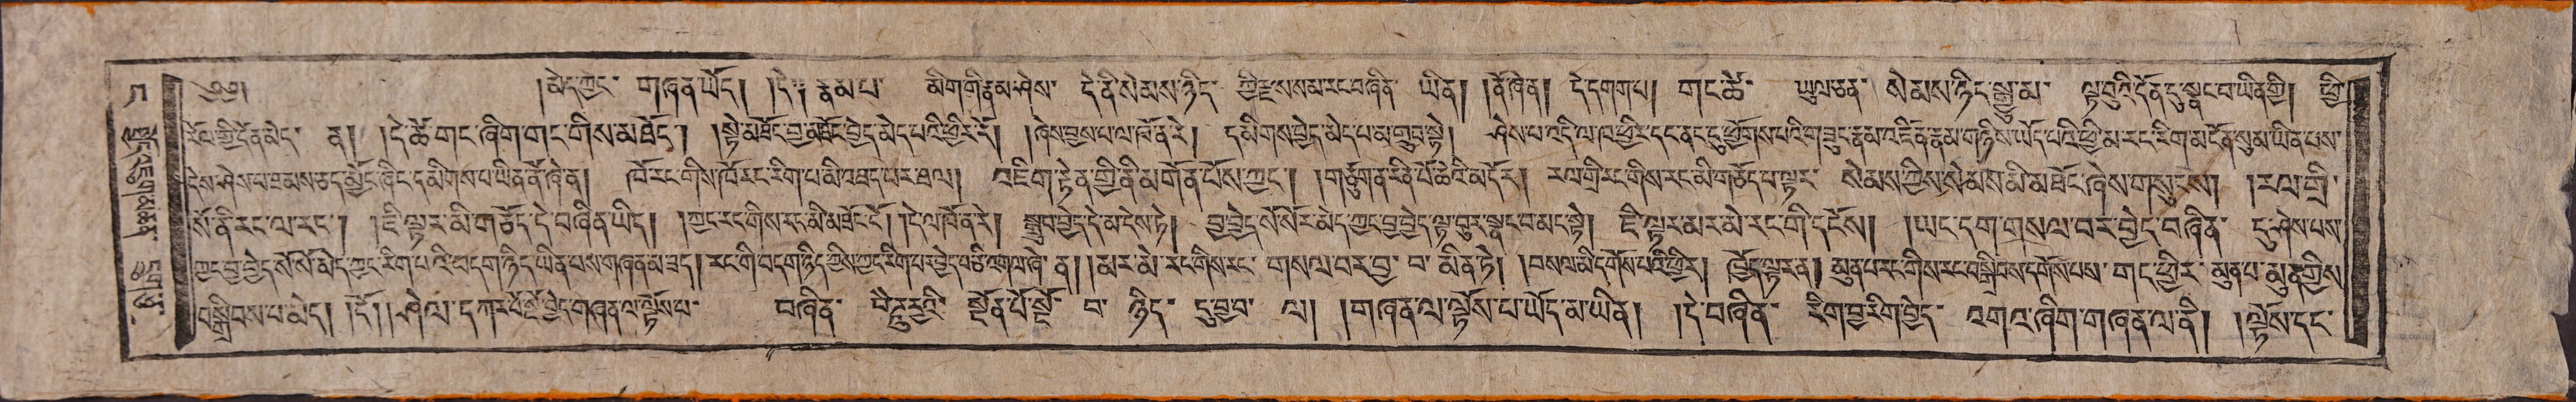༄༅། །མེད་ཀྱང་གཞན་ཡོད། །དེ༑  རྣམ་པ་མིག་གི་རྣམ་ཤེས་དེ་ནི་སེམས་ཉིད་ཀྱི་རྫས་སམ་རང་བཞིན་ཡིན། །ནོ་ཞེ་ན། དེ་དགག་པ།  གང་ཚེ་ཡུལ་ཅན་སེམས་ཉིད་སྒྱུ་མ་ལྟ་བུའི་དོན་དུ་སྣང་བ་ཡིན་གྱི། ཕྱི་
རོལ་གྱི་དོན་མེད་ན། །དེ་ཚེ་གང་ཞིག་གང་གིས་མཐོང་། །སྟེ་མཐོང་བྱ་མཐོང་བྱེད་མེད་པའི་ཕྱིར་རོ། །ཞེས་བྱས་པ་ལ་ཁོ་ན་རེ། དམིགས་བྱེད་མེད་པ་མ་གྲུབ་སྟེ། ཤེས་པ་འདི་ལ་ཁ་ཕྱིར་དང་ནང་དུ་ཕྱོགས་པའི་གཟུང་རྣམ་འཛིན་རྣམ་གཉིས་ཡོད་པའི་ཕྱི་མ་རང་རིག་མངོན་སུམ་ཡིན་པས་
ངེས་ཤེས་བ་ཐམས་ཅད་མྱོང་ཞིང་དམིགས་པ་ཡིན་ནོ་ཞེ་ན། ཁོ་རང་གིས་ཁོ་རང་རིག་པ་མི་འཐད་པར་ཐལ། འཇིག་རྟེན་གྱི་ནི་མགོན་པོས་ཀྱང་། །གཙུག་ན་རིན་པོ་ཆེའི་མདོར། རལ་གྲི་རང་གིས་རང་མི་གཅོད་པ་ལྟར།  སེམས་ཀྱིས་སེམས་མི་མཐོང་ཞེས་གསུངས། །རལ་གྲི་
སོ་ནི་རང་ལ་རང་། །ཇི་ལྟར་མི་གཅོད་དེ་བཞིན་ཡིད། །ཀྱང་རང་གིས་རང་མི་མཐོང་ངོ། །དེ་ལ་ཁོ་ན་རེ། སྒྲུབ་བྱེད་དེ་མ་ངེས་ཏེ། བྱ་བྱེད་སོ་སོར་མེད་ཀྱང་བྱ་བྱེད་ལྟ་བུར་སྣང་བ་མང་སྟེ།  ཇི་ལྟར་མར་མེ་རང་གིས་དངོས། །ཡང་དག་གསལ་བར་བྱེད་བཞིན་དུ་ཤེས་པས་
ཀྱང་བྱ་བྱེད་སོ་སོ་མེད་ཀྱང་རིག་པའི་བདག་ཉིད་ཡིན་པས་གཞན་མ་ཟད། རང་གི་བདག་ཉིད་ཀྱིས་ཀྱང་རིག་པར་བྱེད་པ་ཅི་འགལ་ཞེ་ན། །མར་མེ་རང་གིས་རང་གསལ་བར་བྱ་བ་མིན་ཏེ། །གསལ་མི་དགོས་པའི་ཕྱིར། ཁྱོད་ལྟར་ན། མུན་པ་རང་གིས་རང་བསྒྲིབས་དགོས་པས་གང་ཕྱིར་མུན་པ་མུན་གྱིས་
བསྒྲིབས་པ་མེད། །དོ། །ཤེལ་དཀར་པོ་སྔོ་བྱེད་གཞན་ལ་ལྟོས་པ་བཞིན་བཻཌཱུརྱའི་སྔོན་པོ་སྔོ་བ་ཉིད་དུ་བྱ་བ་ལ། །གཞན་ལ་ལྟོས་པ་ཡོད་མ་ཡིན། །དེ་བཞིན་རིག་བྱ་རིག་བྱེད་འགའ་ཞིག་གཞན་ལ་ནི། །ལྟོས་དང་